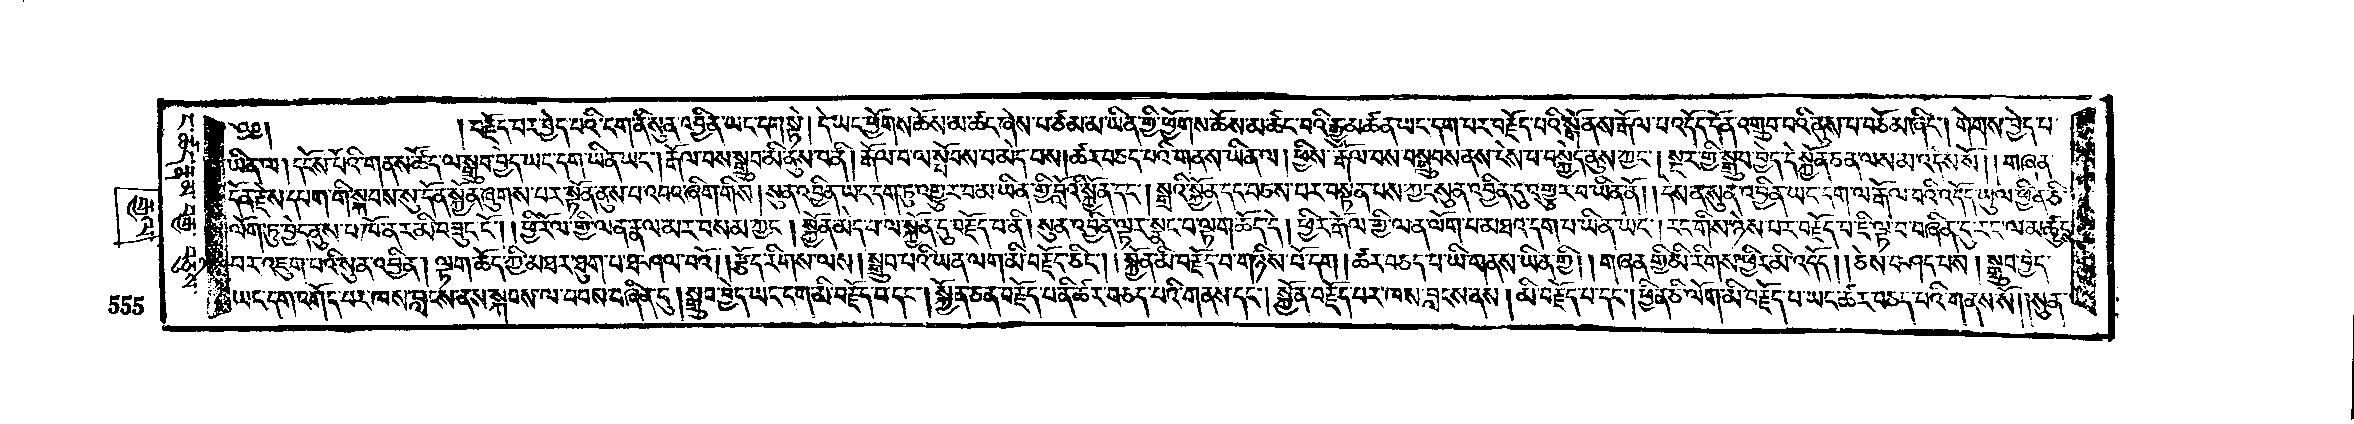༄༅། །བརྗོད་པར་བྱེད་པའི་ངག་ནི་སུན་འབྱིན་ཡང་དག་སྟེའ་དེ་ཡང་ཕྱོགས་ཆོས་མ་ཚང་ཞེས་པ་ཙམ་མ་ཡིན་གྱི་ཕྱོགས་ཆོས་མ་ཚང་བའི་རྒྱུ་མཚན་ཡང་དག་པར་བརྗོད་པའི་སྒོ་ནས་རྒོལ་བ་འདོད་དོན་འགྲུབ་པའི་ནུས་པ་བཅོམ་ཞིང་། གེགས་བྱེད་པ་
ཡིན་ལ། དངོས་པོའི་གནས་ཚོད་ལ་སྒྲུབ་བྱེད་ཡང་དག་ཡིན་ཡང་། རྒོལ་བས་སྒྲུབ་མི་ནུས་པ་ནི། རྒོལ་བ་ལ་སྤོབས་པ་མེད་པས། ཚར་བཅད་པའི་གནས་ཡིན་ལ། ཕྱིས་རྒོལ་བས་བསྒྲུབས་ནས་ངེས་པ་བསྐྱེད་ནུས་ཀྱང་། སྔར་གྱི་སྒྲུབ་བྱེད་དེ་སྐྱོན་ཅན་ལས་མ་འདས་སོ། །གཞན་
དོན་རྗེས་དཔག་གི་སྐབས་སུ་དོན་སྐྱོན་ཞུགས་པར་སྟོན་ནུས་པ་འབའ་ཞིག་གིས། སུན་འབྱིན་ཡང་དག་ཏུ་འགྱུར་བ་མ་ཡིན་གྱི་བློའི་སྐྱོན་དང་། སྒྲའི་སྐྱོན་དང་བཅས་པར་བསྟན་པས་ཀྱང་སུན་འབྱིན་དུ་འགྱུར་བ་ཡིན་ནོ། །དེས་ན་སུན་འབྱིན་ཡང་དག་ལ་རྒོལ་བའི་འདོད་ཡུལ་ཕྱིན་ཅི་
ལོག་ཏུ་བྱེད་ནུས་པ་ཁོ་ནར་མི་བཟུང་ངོ། །ཕྱི་རོལ་གྱི་ལན་རྣལ་མར་བསམ་ཀྱང་། སྐྱོན་མེད་པ་ལ་སྐྱོན་དུ་བརྗོད་པ་ནི། སུན་འབྱིན་ལྟར་སྣང་བ་ལྟག་ཆོད་དེ། ཕྱིར་རྒོལ་གྱི་ལན་ལོག་པ་མཐའ་དག་པ་ཡིན་ཡང་། རང་གིས་ཉེས་པར་བརྗོད་པ་ཇི་ལྟ་བ་བཞིན་དུ་རང་ལ་མཚུངས་
པར་འཇུག་པའི་སུན་འབྱིན། ལྟག་ཆོད་ཀྱི་མཐར་ཐུག་པ་ཐ་ཤལ་བའོ། །རྩོད་རིགས་ལས། སྒྲུབ་པའི་ཡན་ལག་མི་བརྗོད་ཅིང་། སྐྱོན་མི་བརྗོད་པ་གཉིས་པོ་དག །ཚར་བཅད་པ་ཡི་གནས་ཡིན་གྱི། །གཞན་གྱི་མི་རིགས་ཕྱིར་མི་འདོད། །ཅེས་བཤད་པས། སྒྲུབ་བྱེད་
ཡང་དག་འགོད་པར་ཁས་བླངས་ནས་སྐབས་ལ་བབས་བཞིན་དུ། སྒྲུབ་བྱེད་ཡང་དག་མི་བརྗོད་པ་དང་། སྐྱོན་ཅན་བརྗོད་པ་ནི་ཚར་བཅད་པའི་གནས་དང་། སྐྱོན་བརྗོད་པར་ཁས་བླངས་ནས། མི་བརྗོད་པ་དང་། ཕྱིན་ཅི་ལོག་མི་བརྗོད་པ་ཡང་ཚར་བཅད་པའི་གནས་སོ། །སུན་